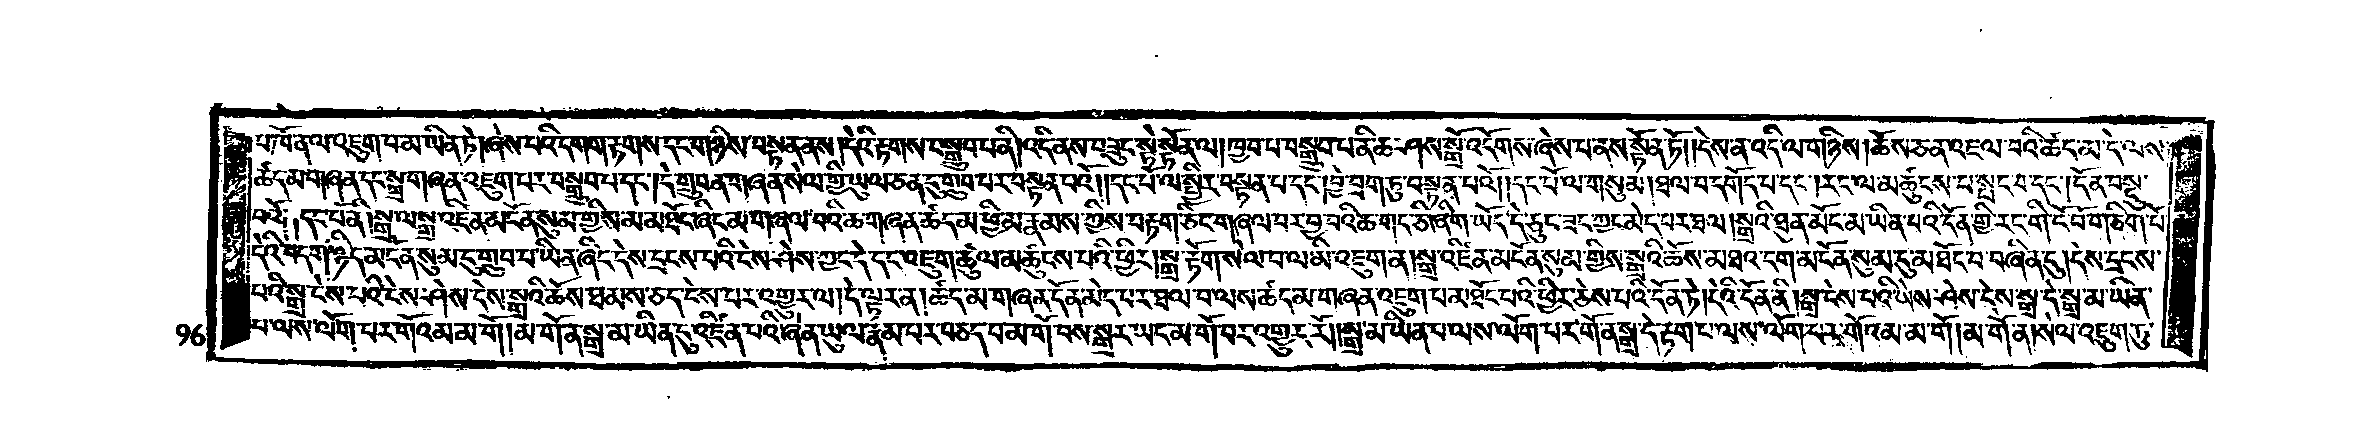པ་ཁོ་ན་ལ་འཇུག་པ་མ་ཡིན་ཏེ། ཞེས་པའི་དགག་རྟགས་དང་གཉིས་བསྟན་ནས། དེའི་རྟགས་བསྒྲུབ་པ་ནི། འདི་ནས་བཟུང་སྟེ་སྟོན་ལ། ཁྱབ་པ་བསྒྲུབ་པ་ནི་ཆ་ཤས་སྒྲོ་འདོགས་ཞེས་པ་ནས་སྟོན་ཏོ། །དེས་ན་འདི་ལ་གཉིས། ཆོས་ཅན་འཇལ་བའི་ཚད་མ་དེ་ལས་
ཚད་མ་གཞན་དང་སྒྲ་གཞན་འཇུག་པར་བསྒྲུབ་པ་དང་། དེ་གྲུབ་ན་གཞན་སེལ་གྱི་ཡུལ་ཅན་དུ་གྲུབ་པར་བསྟན་པའོ། །དང་པོ་ལ་སྤྱིར་བསྟན་པ་དང་། བྱེ་བྲག་ཏུ་བསྟན་པའོ། །དང་པོ་ལ་གསུམ། ཐལ་བ་དགོད་པ་དང་། རང་ལ་མཚུངས་པ་སྤང་བ་དང་། དོན་བསྡུ་
བའོ། །དང་པོ་ནི། སྒྲ་ལ་སྒྲ་འཛིན་མངོན་སུམ་གྱིས་མ་མཐོང་ཞིང་མ་གཞལ་བའི་ཆ་གཞན་ཚད་མ་ཕྱི་མ་རྣམས་ཀྱིས་བརྟག་ཅིང་གཞལ་བར་བྱ་བའི་ཆ་གང་ཅི་ཞིག་ཡོད་དེ་ཅུང་ཟད་ཀྱང་མེད་པར་ཐལ། སྒྲའི་ཐུན་མོང་མ་ཡིན་པའི་དོན་གྱི་རང་གི་ངོ་བོ་གཅིག་པོ་
དེའི་བདག་ཉིད་མངོན་སུམ་དུ་གྲུབ་པ་ཡིན་ཞིང་དེས་དྲངས་པའི་ངེས་ཤེས་ཀྱང་དེ་དང་འཇུག་ཚུལ་མཚུངས་པའི་ཕྱིར། སྒྲ་རྟོག་སེལ་བ་ལ་མི་འཇུག་ན། སྒྲ་འཛིན་མངོན་སུམ་གྱིས་སྒྲའི་ཆོས་མཐའ་དག་མངོན་སུམ་དུ་མཐོང་བ་བཞིན་དུ། དེས་དྲངས་
པའི་སྒྲ་ངེས་པའི་ངེས་ཤེས་དེས་སྒྲའི་ཆོས་ཐམས་ཅད་ངེས་པར་འགྱུར་ལ། དེ་ལྟར་ན། ཚད་མ་གཞན་དོན་མེད་པར་ཐལ་བ་ལས་ཚད་མ་གཞན་འཇུག་པ་མཐོང་བའི་ཕྱིར་ཅེས་པའི་དོན་ཏེ། དེའི་དོན་ནི། སྒྲ་ངེས་པའི་ཆོས་ཤེས་དེས་སྒྲ་དེ་སྒྲ་མ་ཡིན་
པ་ལས་ལོག་པར་གོའམ་མ་གོ། མ་གོ་ན་སྒྲ་མ་ཡིན་དུ་འཛིན་པའི་ཞེན་ཡུལ་རྣམ་པར་བཅད་པ་མ་གོ་བས་སྒྲར་ཡང་མ་གོ་བར་འགྱུར་རོ། །སྒྲ་མ་ཡིན་པ་ལས་ལོག་པར་གོ་ན་སྒྲ་དེ་རྟག་པ་ལས་ལོག་པར་གོའམ་མ་གོ། མ་གོ་ན། སེལ་འཇུག་ཏུ་